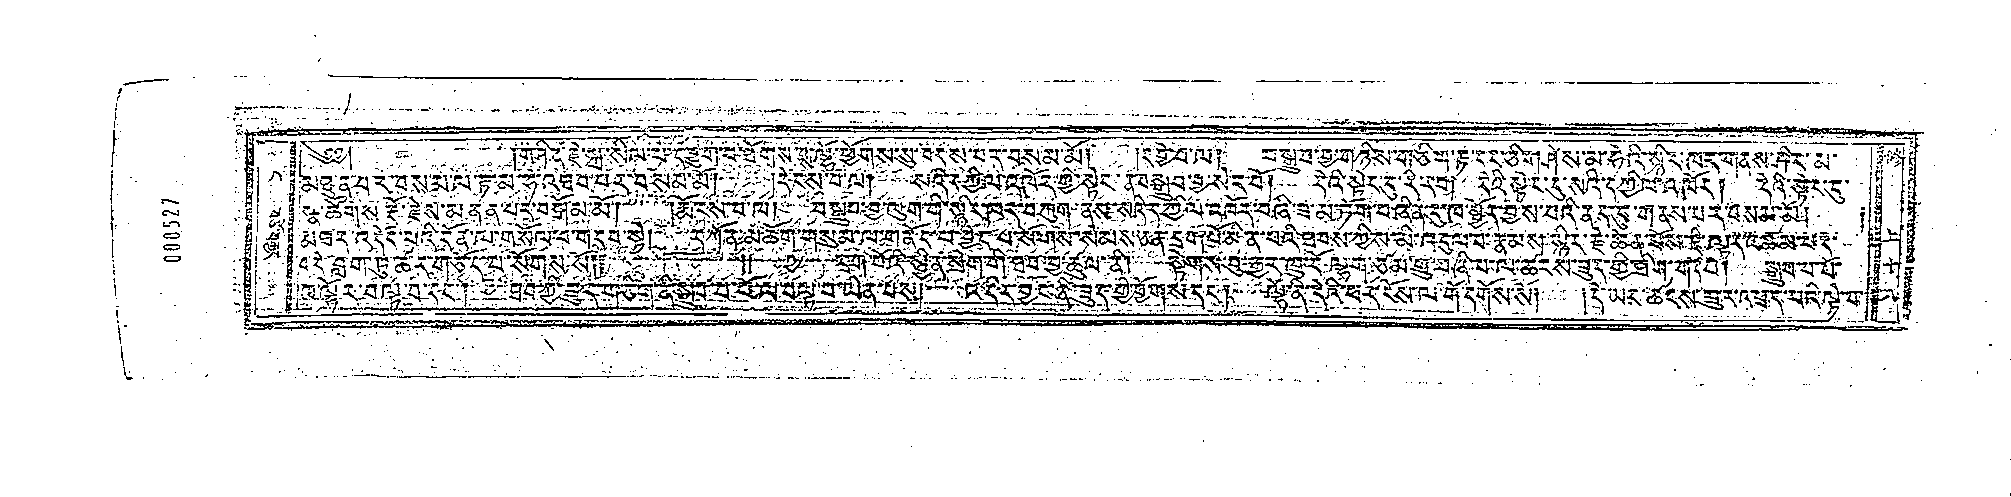༄༅། །གཤིན་རྗེ་སྐྲ་སིལ་པ་དབྱུག་པ་ཐོགས་བས་ལྷོ་ཕྱོགས་སུ་བདས་པར་བསམ་མོ། །དབྱེ་བ་ལ། བསྒྲུབ་བྱ་གཉིས་གཅིག་རྟ་དང་ཅིག་ཤེས་མ་ཧེའི་སྙིང་ཁར་གནས་ཤིང་མ་
མཐུན་པར་བསམ་ལ་རྟ་མ་ཧེ་འཐབ་པར་བསམ་མོ། །རེངས་པ་ལ། སའི་དཀྱིལ་འཁོར་གྱི་སྟེང་ན་བསྒྲུབ་བྱ་སེར་བོ། དེའི་སྟེང་དུ་རི་རབ། དེའི་སྟེང་དུ་སའི་དཀྱིལ་འཁོར། དེའི་སྟེང་དུ་
སྣ་ཚོགས་རྡོ་རྗེས་མནན་པར་བསྒོམ་མོ། །རྨོངས་པ་ལ། བསྒྲུབ་བྱ་ལུག་གི་སྙིང་ཁར་བཀུག་ནས་སའི་དཀྱིལ་འཁོར་བཞི་ཟ་མ་ཏོག་བཞིན་དུ་ཁ་སྦྱོར་བྱས་པའི་ནང་དུ་གནས་པར་བསམ་མོ། །
མཐར་འདོད་པའི་དོན་ལ་གསོལ་བ་གདབ་སྟེ། དཀོན་མཆོག་གསུམ་ལ་གནོང་པ་བྱེད་པ་སོགས་སེམས་ཅན་དྲག་པོ་མི་ན་པའི་ཐབས་ཀྱིས་མི་འདུལ་བ་རྣམས་སྙིང་རྗེ་ཆེན་པོས་ཇི་ལྟར་འཚམ་པར་
བདེ་བླག་ཏུ་ཚར་གཅོད་པ་སོགས་སོ།། །། ༧་དྲག་པོའི་སྦྱིན་སྲེག་གི་ཐབ་བྱ་ཚུལ་ནི། སྟེགས་བུ་རྒྱུར་ཁྲུ་ངོ་ལྷག་ཙམ་གྲུ་བཞི་པ་ལ་ཚངས་ཟུད་གྱི་ཐིག་གདབ། སྒྲུབ་པ་པོ་
ཁ་ལྷོར་བལྟ་བ་དང་། ཐབ་ཀྱི་ཟུར་གཅིག་ནི་སྒྲུབ་པ་བོ་ལ་བལྟ་བ་ཡིན་པས། འདིར་བྱང་ནི་ཟུར་གྱི་ཕྱོགས་དང་། ལྷོ་ནི་དེའི་ཕར་ངོས་ལ་གོ་དགོས་སོ། །དེ་ཡང་ཚངས་ཟུར་འཕྲད་པའི་ལྟེ་བ་